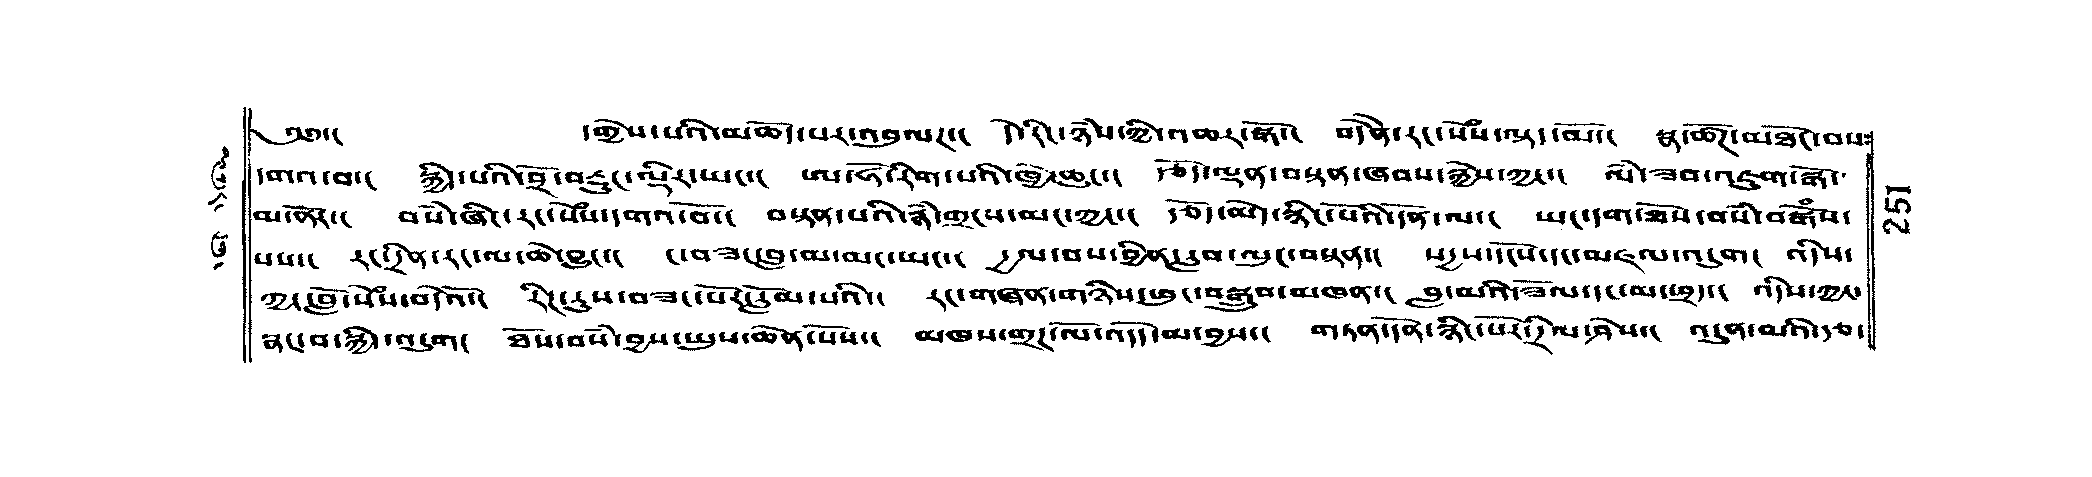།དགྱེས་པའི་མཆོད་པར་འབུལ་ལགས། །དེ་རིང་ཉམས་ཀྱི་འཆར་སྒོ། །བདེ་ཆེན་རང་སེམས་ལྟད་མོ། །སྣ་ཚོགས་མཐོང་བས་
དགའ་བ། །སྐྱིད་པའི་བྲོ་བརྡུང་ལྡིར་ཡང་། །ཨ་ཧོ་རིག་པའི་ཁྱེ་ཆུང་། །རྩོད་ལྡན་བསྟན་ཞབས་སྐྱེས་ཀྱང་། །ལམ་ཟབ་འཇུག་སྒོ་
མ་ནོར། །བསམ་ཞིང་རང་སེམས་དགའ་བོ། །བསྟན་པའི་རྣམ་གྲངས་མང་ཀྱང་། །རྩོད་མེད་སྙིང་པོའི་དོན་ལ། །ཡང་དག་ཐོས་བསམ་བསྒོམ་
པས། །རང་དྲིན་རང་ལ་ཆེ་བྱུང་། །ང་བཟང་བླ་མ་མང་ཡང་། །རྒྱལ་བས་བྱིན་རླབས་ལུང་བསྟན། །སངས་རྒྱས་དངོས་དང་མཇལ་འདུག།འདིས་
ཀྱང་བློ་སེམས་བདེའོ། །རིགས་རུས་བཟང་པོར་རློམ་པའི། །རང་གཞན་གཉིས་ཕུང་བསྒྲུབ་མཁན། །བླ་མའི་ཟོལ་དང་མ་ཕྲད། །འདིས་ཀྱང་
སྣང་བ་སྐྱིད་འདུག །ཐོས་བསམ་བྱས་ཡུས་ཆེན་པོས། །མཁས་གྲངས་ལོ་འདོད་མ་བྱས། །གཏན་དོན་སྙིང་པོར་དྲིལ་ཤེས། །འདུན་མའི་རྩ་